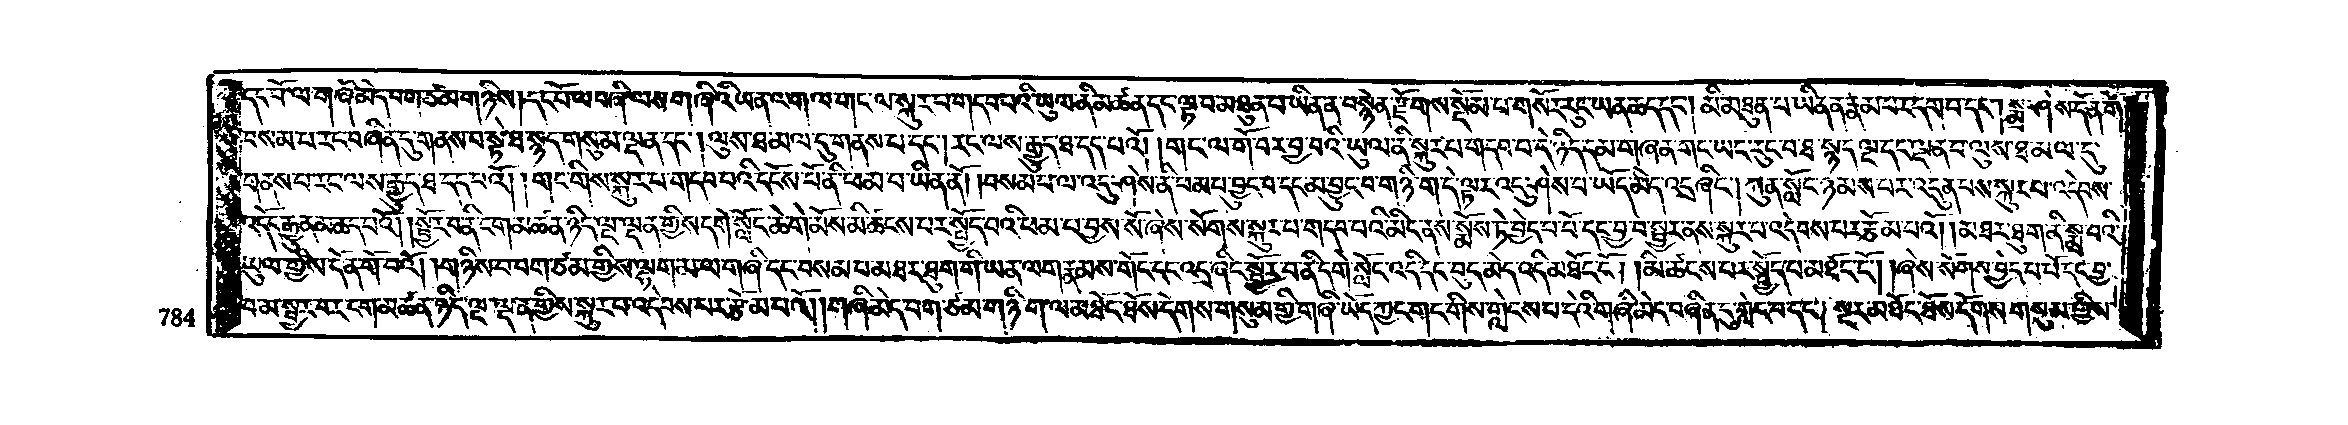དང་པོ་ལ་གཞོ་མེད་པ་གཙམ་གཉིས། དང་པོ་ལ་བཞི་ལས་གཞིའི་ཡན་ལག་ལ་གང་ལ་སྐུར་བ་གདབ་པའི་ཡུལ་ནི་མཚན་དང་ལྟ་བ་མཐུན་པ་ཡིན་ན་བསྙེན་རྫོགས་སྡོམ་པ་གསོར་རུང་ཡན་ཆད་དང་། མི་མཐུན་པ་ཡིན་ན་རྣམ་པར་དག་པ་དང་། སྨྲ་ཤེས་དོན་གོ་
བསམ་པ་རང་བཞིན་དུ་གནས་པ་སྟེ་ཐ་སྙད་གསུམ་ལྡན་དང་། ལུས་ཐ་མལ་དུ་གནས་པ་དང་། རང་ལས་རྒྱུད་ཐ་དད་པའོ། །གང་ལ་གོ་བར་བྱ་བའི་ཡུལ་ནི་སྐུར་བ་གདབ་པ་དེ་ཉིད་དམ་གཞན་གང་ཡང་རུང་བ་ཐ་སྙད་ལྔ་དང་ལྡན་པ་ལུས་ཐ་མལ་དུ་
གནས་པ་རང་ལས་རྒྱུད་ཐ་དད་པའོ། །གང་གིས་སྐུར་པ་གདབ་པའི་དངོས་པོ་ནི་ཕམ་པ་ཡིན་ནོ། །བསམ་པ་ལ་འདུ་ཤེས་ནི་ཕམ་པ་བྱུང་བ་དང་མ་བྱུང་བ་གཉི་ག་དེ་ལྟར་འདུ་ཤེས་པ་ཡོད་མེད་འདྲ་ཞིང་། ཀུན་སློང་ཉམས་པར་འདུན་པས་སྐུར་པ་འདེབས་
འདོད་རྒྱུན་མ་ཆད་པའོ། །སྦྱོར་བ་ནི་ངག་མཚན་ཉིད་ལྔ་ལྡན་གྱིས་དགེ་སློང་ཆེ་གེ་མོས་མི་ཚངས་པར་སྤྱོད་པའི་ཕམ་པ་བྱས་སོ་ཞེས་སོགས་སྐུར་པ་གདབ་པའི་མིང་ནས་སྨོས་ཏེ་བྱེད་པ་པོ་དང་བྱ་བ་སྦྱར་ནས་སྐུར་པ་འདེབས་པར་རྩོམ་པའོ། །མཐར་ཐུག་ནི་སྨྲ་བའི་
ཡུལ་གྱིས་དོན་གོ་བའོ། །གཉིས་པ་བག་ཙམ་གྱིས་ལྷག་མ་ལ་གཞི་དང་བསམ་པ་མཐར་ཐུག་གི་ཡན་ལག་རྣམས་གོང་དང་འདྲ་ཞིང་སྦྱོར་བ་ནི་དགེ་སློང་འདི་དང་བུད་མེད་འདི་མཐོང་ངོ། །མི་ཚངས་པར་སྤྱོད་པ་མཐོང་ངོ། །ཞེས་སོགས་བྱེད་པ་པོ་དང་བྱ་
བ་མ་སྦྱར་བར་ངག་མཚན་ཉིད་ལྔ་ལྡན་གྱིས་སྐུར་པ་འདེབས་པར་རྩོམ་པའོ། །གཞི་མེད་བག་ཙམ་གཉི་ག་ལ་མཐོང་ཐོས་དོགས་གསུམ་གྱི་གཞི་ཡོད་ཀྱང་གང་གིས་གླེངས་པ་དེའི་གཞི་མེད་བཞིན་དུ་གླེང་བ་དང་། སྔར་མཐོང་ཐོས་དོགས་གསུམ་གྱིས་